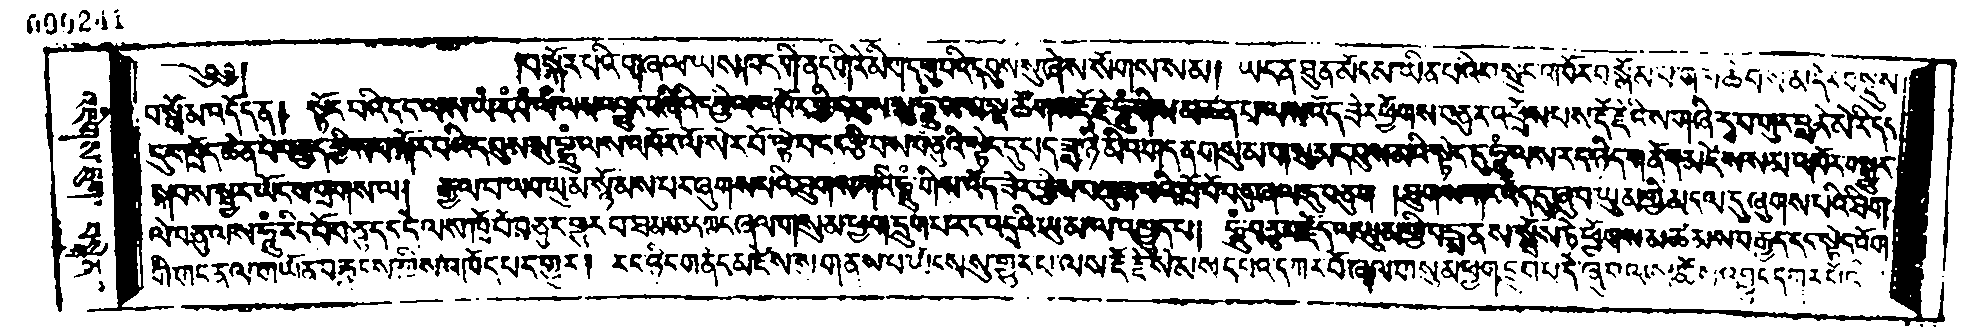༄༅། །བསྐོར་བའི་གཞལ་ཡས་ཁང་གི་ནང་གི་རེ་མིག་དགུ་བའི་དབུས་སུ་ཞེས་སོགས་སམ། ཡང་ན་ཐུན་མོང་མ་ཡིན་པའི་བསྲུང་འཁོར་བསྒོམ་པ་གལ་ཆེ་བས་མདོར་བསྡུས་
བསྒོམ་འདོད་ན། སྟོང་པའི་ངང་ལས་ཡཾ་རཾ་བཾ་ལཾ་ལས་འབྱུང་བཞིའི་དཀྱིལ་འཁོར་གྱི་དབུས་སུ་ཧཱུཾ་ལས་སྣ་ཚོགས་རྡོ་རྗེ་ཧཱུཾ་གིས་མཚན་པ་ལས་འོད་ཟེར་ཕྱོགས་བཅུར་འཕྲོས་པས་རྡོ་རྗེའི་ས་གཞི་རྭ་བ་གུར་བླ་རེ་མེ་རི་དང་
དུར་ཁྲོད་ཆེན་བེ་བརྒྱད་ཀྱིས་བསྐོར་བའི་དབུས་སུ་བྷྲུཾ་ལས་འཁོར་ལོ་སེར་པོ་ལྟེ་བ་དང་རྩིབས་བཅུའི་སྟེང་དུ་པད་ཟླ་ཉི་མའི་གདན་གསུམ་གསུམ་དབུས་མའི་སྟེང་དུ་ཧཱུཾ་ལས་རང་ཉིད་གནོད་མཛེས་སམ་འཁོར་བསྒྱུར་
སྐབས་སྦྱར་ཡོངས་གྲགས་ལ། རྒྱལ་བ་ཡབ་ཡུམ་སྙོམས་པར་ཞུགས་པའི་ཐུགས་ཀའི་ཧཱུཾ་གིས་འོད་ཟེར་གྱིས་བཀུག་པའི་ཁྲོ་བོ་བཅུ་ཞལ་དུ་བཅུག །ཐུགས་ཀར་འོད་དུ་ཞུ་བ་ཡུམ་གྱི་མངལ་དུ་ཞུགས་པའི་ཐིག་
ལེ་བཅུ་ལས་ཧཱུཾ་རིང་པོ་བཅུ་དང་དེ་ལས་ཁྲོ་བོ་བཅུར་གྱུར་བ་ཐམས་ཅད་ཀྱང་ཞལ་གསུམ་ཕྱག་དྲུག་པ་རང་འདྲའི་ཡུམ་ལ་འཁྱུད་པ། ཧཱུཾ་བཅུ་བརྗོད་ལ་ཡུམ་གྱི་པདམ་ནས་སྤྲོས་ཏེ་ཕྱོགས་མཚམས་བརྒྱད་དང་སྟེང་འོག་
གི་གདན་ལ་གཡོན་བརྐྱངས་ཀྱིས་འཁོད་པར་གྱུར། རང་ཉིད་གནོད་མཛེས་སུ་གནས་པ་ཡོངས་སུ་གྱུར་བ་ལས་རྡོ་རྗེ་སེམས་དཔའ་དཀར་པོ་ཞལ་གསུམ་ཕྱག་དྲུག་པ་དེ་ཞུ་བ་ལས་ཆོས་འབྱུང་དཀར་པོའི་